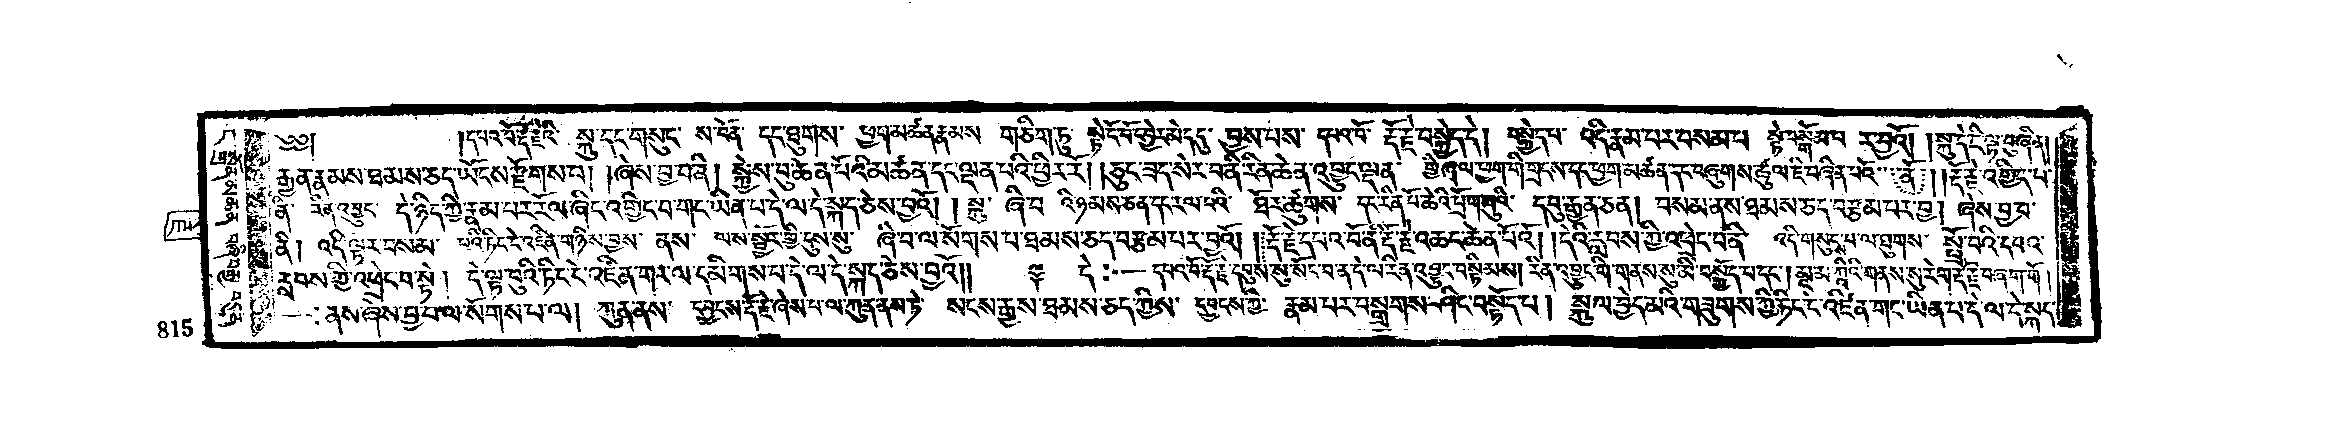༄༅། །དཔའ་བོ་རྡོ་རྗེའི་སྐུ་དང་གསུང་ས་བོན་དང་ཐུགས་ཕྱག་མཚན་རྣམས་གཅིག་ཏུ་སྟེ་ངོ་བོ་དབྱེར་མེད་དུ་བྱས་པས་དཔའ་བོ་རྡོ་རྗེ་བསྐྱེད་དེ། བསྐྱེད་པ་འདི་རྣམ་པར་བསམ་པ་སྟེ་བསྒོམ་པར་བྱའོ། །སྐུ་དེ་ཇི་ལྟ་བུ་ཞེ་ན།
རྒྱན་རྣམས་ཐམས་ཅད་ཡོངས་རྫོགས་པ། །ཞེས་བྱ་བ་ནི། སྐྱེས་བུ་ཆེན་པོའི་མཚན་དང་ལྡན་པའི་ཕྱིར་རོ། །ཅུང་ཟད་སེར་བ་ནི་རིན་ཆེན་འབྱུང་ལྡན་གྱི་ཞལ་ཕྱག་གི་གྲངས་དང་ཕྱག་མཚན་དང་བཞུགས་ཚུལ་ཇི་བཞིན་པའོ་ནོ། །རྡོ་རྗེ་འགྱིང་པ་
ནི་རིན་འབྱུང་དེ་ཉིད་ཀྱི་རྣམ་པར་རོལ་ཞིང་འགྱིང་བ་གང་ཡིན་པ་དེ་ལ་དེ་སྐད་ཅེས་བྱའོ། །སྐུ་ཞི་བའི་ཉམས་ཅན་དང་རལ་བའི་ཐོར་ཚུགས་དང་རིན་པོ་ཆེའི་པྲོག་ཞུའི་དབུ་རྒྱན་ཅན། བསམ་ནས་ཐམས་ཅད་བརྩམ་པར་བྱ། ཞེས་བྱ་བ་
ནི། འདི་ལྟར་བསམ་པའི་ཏིང་ངེ་འཛིན་གཉིས་བྱས་ནས་ལས་སྦྱོར་གྱི་དུས་སུ་ཞི་བ་ལ་སོགས་པ་ཐམས་ཅད་བརྩམ་པར་བྱའོ། །རྡོ་རྗེ་དཔའ་བོ་ནི་རྡོ་རྗེ་འཆང་ཆེན་པོའོ། །དེའི་རླབས་ཀྱི་འཕྲེང་བ་ནི་འདི་གསུངས་པ་ལ་ཐུགས་སྤྲོ་བའི་དཔའ་
རླབས་ཀྱི་འཕྲེང་བ་སྟེ། དེ་ལྟ་བུའི་ཏིང་ངེ་འཛིན་གང་ལ་དམིགས་པ་དེ་ལ་དེ་སྐད་ཅེས་བྱའོ།། ༈ དེཿ་དཔའ་བོ་རྡོ་རྗེ་དབུས་སུ་སོང་བ་ན་དེ་ལ་རིན་འབྱུང་བསྟིམས། རིན་འབྱུང་གི་གནས་སུ་མི་བསྐྱོད་པ་དང་། མཱ་མ་ཀཱིའི་གནས་སུ་རེག་རྡོ་རྗེ་བཞག་གོ །
.Hནས་ཞེས་བྱ་བ་ལ་སོགས་པ་ལ། ཀུན་ནས་དབྱངས་རྡོ་རྗེ་ཞེས་པ་ལ་ཀུན་ནས་ཏེ་སངས་རྒྱས་ཐམས་ཅད་ཀྱིས་དབྱངས་ཀྱི་རྣམ་པར་བསྒྲགས་ཤིང་བསྟོད་པ། སྐུལ་བྱེད་མའི་གཟུགས་ཀྱི་ཏིང་ངེ་འཛིན་གང་ཡིན་པ་དེ་ལ་དེ་སྐད་